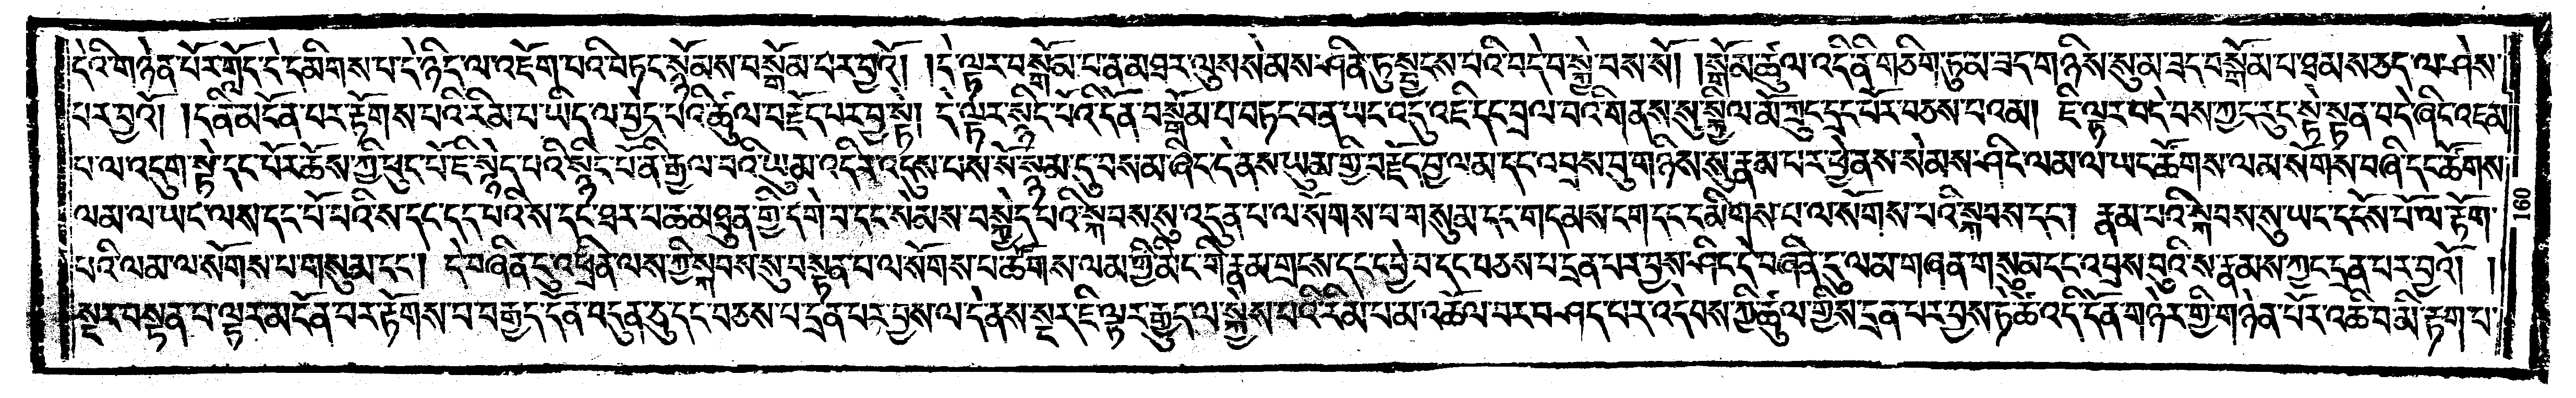དེའི་གཉེན་པོར་གློད་དེ་དམིགས་པ་དེ་ཉིད་ལ་འཇོག་པའི་བཏང་སྙོམས་བསྒོམ་པར་བྱའོ། །དེ་ལྟར་བསྒོམ་པ་ན་མཐར་ལུས་སེམས་ཤིན་ཏུ་སྦྱངས་པའི་བདེ་བ་སྐྱེ་བས་སོ། །སྒོམ་ཚུལ་འདི་ནི་གཅིག་ཏུ་མ་ཟད་གཉིས་སུ་མ་ཟད་བསྒོམ་པ་ཐམས་ཅད་ལ་ཤེས་
པར་བྱའོ། །ད་ནི་མངོན་པར་རྟོགས་པའི་རིམ་པ་ཡིད་ལ་བྱེད་པའི་ཚུལ་བརྗོད་པར་བྱ་སྟེ། དེ་ལྟར་སྙིང་པོའི་དོན་བསྒོམ་པ་བཏང་བ་ན་ཡང་འདུ་འཇི་དང་བྲལ་བའི་གནས་སུ་སྐྱིལ་མོ་ཀྲུང་དྲང་པོར་བཅས་པའམ། ཇི་ལྟར་བདེ་བས་ཀྱང་རུང་སྟེ་སྟན་བདེ་ཞིང་འཇམ་
པ་ལ་འདུག་སྟེ་དང་པོར་ཆོས་ཀྱི་ཕུང་པོ་ཇི་སྙེད་པའི་སྙིང་པོ་ནི་རྒྱལ་བའི་ཡུམ་འདིར་འདུས་པས་སོ་སྙམ་དུ་བསམ་ཞིང་དེ་ནས་ཡུམ་གྱི་བརྗོད་བྱ་ལམ་དང་འབྲས་བུ་གཉིས་སུ་རྣམ་པར་ཕྱེ་ནས་སེམས་ཤིང་ལམ་ལ་ཡང་ཚོགས་ལམ་སོགས་བཞི་དང་ཚོགས་
ལམ་ལ་ཡང་ལས་དང་པོ་པའི་ས་དང་དད་པའི་ས་དང་ཐར་པ་ཆ་མཐུན་གྱི་དགེ་བ་དང་སེམས་བསྐྱེད་པའི་སྐབས་སུ་འདུན་པ་ལ་སོགས་པ་གསུམ་དང་གདམས་ངག་དང་དམིགས་པ་ལ་སོགས་པའི་སྐབས་དང་། རྣམ་པའི་སྐབས་སུ་ཡང་དངོས་པོ་ལ་རྟོག་
པའི་ལམ་ལ་སོགས་པ་གསུམ་དང་། དེ་བཞིན་དུ་འཕྲིན་ལས་ཀྱི་སྐབས་སུ་བསྟན་པ་ལ་སོགས་པ་ཚོགས་ལམ་གྱི་མིང་གི་རྣམ་གྲངས་དང་དབྱེ་བ་དང་བཅས་པ་དྲན་པར་བྱས་ཤིང་དེ་བཞིན་དུ་ལམ་གཞན་གསུམ་དང་འབྲས་བུའི་ས་རྣམས་ཀྱང་དྲན་པར་བྱའོ། །
སྔར་བསྟན་པ་ལྟར་མངོན་པར་རྟོགས་པ་བརྒྱད་དོན་བདུན་ཅུ་དང་བཅས་པ་དྲན་པར་བྱས་ལ་དེ་ནས་སྔར་ཇི་ལྟར་རྒྱུད་ལ་སྐྱེས་པའི་རིམ་པ་མ་འཆོལ་བར་བཤད་པར་འདེབས་ཀྱི་ཚུལ་གྱིས་དྲན་པར་བྱས་ཏེ་ཚེ་འདི་དོན་གཉེར་གྱི་གཉེན་པོར་འཆི་བ་མི་རྟག་པ་